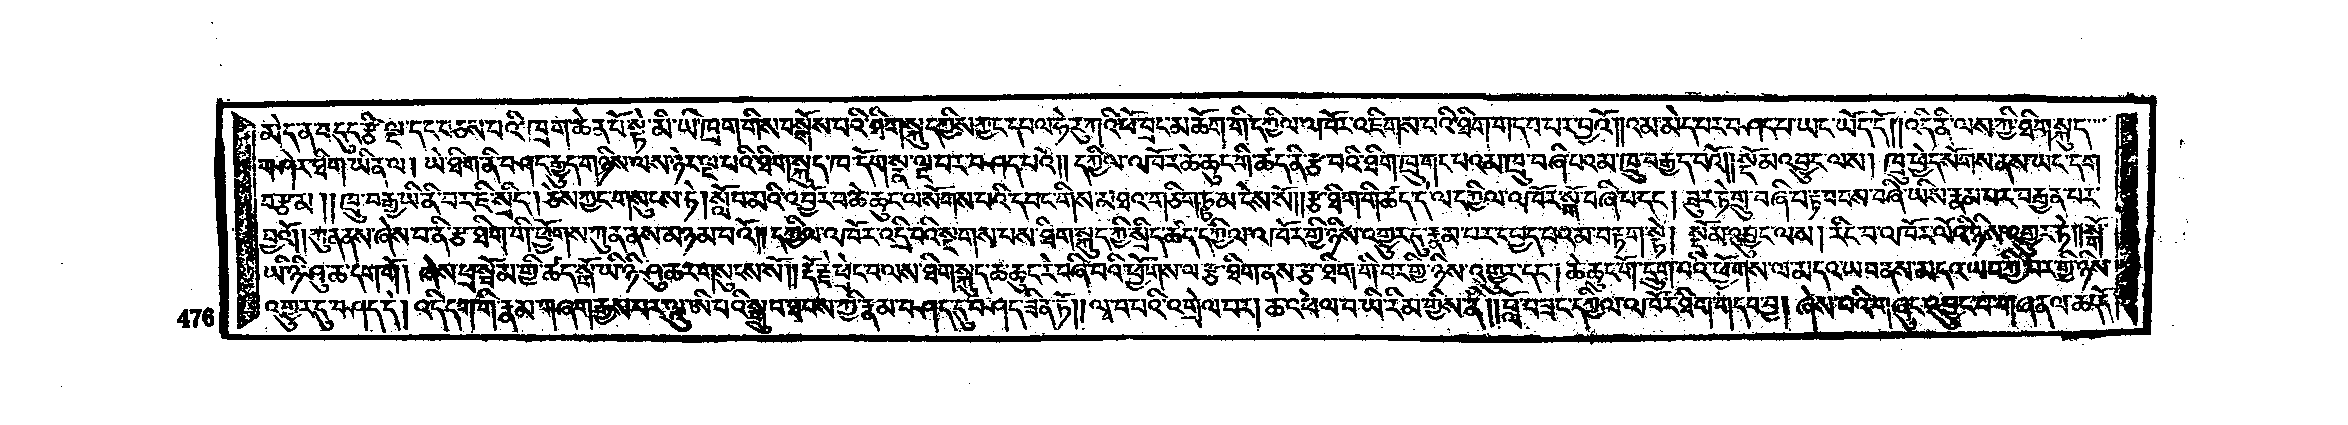མེད་ན་བདུད་རྩི་ལྔ་དང་བཅས་པའི་ཁྲག་ཆེན་པོ་སྟེ་མི་ཡི་ཁྲག་གིས་བསྒོས་པའི་ཐིག་སྐུ་དཀྱིས་ཀྱང་དཔལ་ཧེ་རུ་ཀའི་ཕོ་བྲང་མཆོག་གི་དཀྱིལ་འཁོར་འཇིགས་པའི་ཐིག་གདབ་པར་བྱའོ། །འམ་མེད་པར་བཤད་པ་ཡང་ཡོད་དོ། །འདི་ནི་ལས་ཀྱི་ཐིག་སྐུད་
གཤེར་ཐིག་ཡིན་ལ། ཡེ་ཐིག་ནི་བཤད་རྒྱུད་གཉིས་ལས་ཉེར་ལྔ་པའི་ཐིག་སྐུད་ཁ་དོག་སྣ་ལྔ་བར་བཤད་པའོ། །དཀྱིལ་འཁོར་ཆེ་ཆུང་གི་ཚད་ནི་རྩ་བའི་ཐིག་ཁྲུ་གང་པའམ་ཁྲུ་བཞི་པའམ་ཁྲུ་བརྒྱད་པའོ། །སྡོམ་འབྱུང་ལས། ཁྲུ་ཕྱེད་སོགས་ནས་ཡང་དག་
བརྩམ། །ཁྲུ་བརྒྱ་ཡི་ནི་བར་ཇི་སྲིད། ཅེས་ཀྱང་གསུངས་ཏེ། སློབ་མའི་འབྱོར་བ་ཆེ་ཆུང་ལ་སོགས་པའི་དབང་གིས་མཐའ་གཅིག་ཏུ་མ་ངེས་སོ། །རྩ་ཐིག་གི་ཚད་དེ་ལ་དཀྱིལ་འཁོར་སྒོ་བཞི་པ་དང་། ཟུར་ཏེ་གྲུ་བཞི་པ་རྟ་བབས་བཞི་ཡིས་རྣམ་པར་བརྒྱན་པར་
བྱའོ། །ཀུན་ནས་ཞེས་པ་ནི་རྩ་ཐིག་གི་ཕྱོགས་ཀུན་ནས་མཉམ་པའོ། །དཀྱིལ་འཁོར་འདྲི་བའི་སྔགས་པས་ཐིག་སྐུད་ཀྱི་སྲིད་ཚད་དཀྱིལ་འཁོར་གྱི་ཉིས་འགྱུར་དུ་རྣམ་པར་དཔྱད་པའམ་བརྟག་སྟེ། སྡོམ་འབྱུང་ལས། རིང་བ་འཁོར་ལོའི་ཉིས་འགྱུར་ཏེ། །སྒོ་
ཡི་ཉི་ཤུ་ཆ་དག་གོ །ཞེས་ཕྲ་སྦོམ་གྱི་ཚད་སྒོ་ཡི་ཉི་ཤུ་ཆར་གསུངས་སོ། །རྡོ་རྗེ་ཕྲེང་བ་ལས་ཐིག་སྐུད་ཆ་ཆུང་རེ་བཞི་བའི་ཕྱོགས་ལ་རྩ་ཐིག་ནས་རྩ་ཐིག་གི་བར་གྱི་ཉིས་འགྱུར་དང་། ཆ་ཆུང་གོ་དྲུག་པའི་ཕྱོགས་ལ་མདའ་ཡབ་ནས་མདའ་ཡབ་ཀྱི་བར་གྱི་ཉིས་
འགྱུར་དུ་བཤད་དེ། འདི་དག་གི་རྣམ་གཞག་རྒྱས་པར་ལཱུ་ཨི་པའི་སྒྲུབ་ཐབས་ཀྱི་རྣམ་བཤད་དུ་བཤད་ཟིན་ཏོ། །ལྭ་བ་པའི་འགྲེལ་བར། ཆ་འཕེལ་བ་ཡི་རིམ་གྱིས་ནི། །བློ་བཟང་དཀྱིལ་འཁོར་ཐིག་གདབ་བྱ། ཞེས་པའི་གཞུང་འབྱུང་བ་གཞན་ལ་ཆད་དོ། །